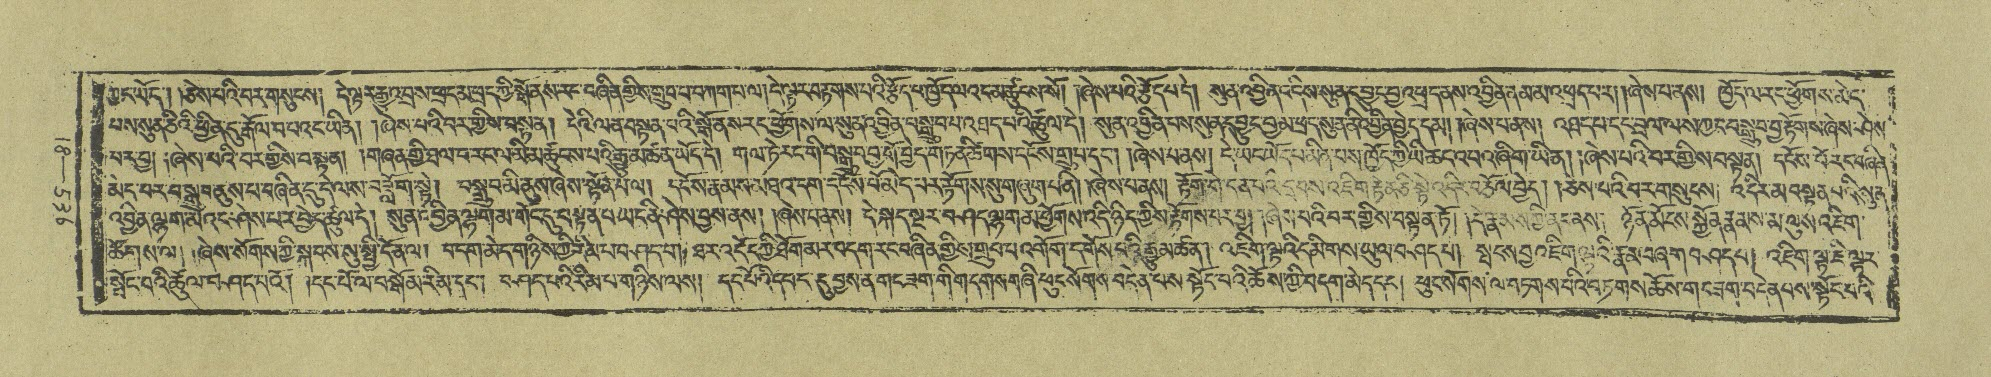ཀྱང་ཡོད། །ཅེས་པའི་བར་གསུངས། དེ་ལྟར་རྒྱུ་འབྲས་ཕྲད་མ་ཕྲད་ཀྱི་སྒོ་ནས་རང་བཞིན་གྱིས་གྲུབ་པ་བཀག་པ་ལ། དེ་ལྟར་བརྟགས་པའི་རྩོད་པ་ཁྱོད་ལའང་མཚུངས་སོ། །ཞེས་པའི་རྩོད་པ་དེ། སུན་འབྱིན་འདིས་སུན་དབྱུང་བྱ་འཕྲད་ནས་འབྱིན་ནམ་མ་འཕྲད་པར། །ཞེས་པ་ནས། ཁྱོད་ལ་རང་ཕྱོགས་མེད་
པས་སུན་ཅིའི་ཕྱིན་དུ་རྒོལ་བ་པའང་ཡིན། །ཞེས་པའི་བར་གྱིས་བསྟན། དེའི་ལན་བསྟན་པའི་སྒོ་ནས་རང་ཕྱོགས་ལ་སུན་འབྱིན་བསྒྲུབ་པ་འཐད་པའི་ཚུལ་དེ། སུན་འབྱིན་པས་སུན་དབྱུང་བྱ་མ་ཕྲད་སུན་ནི་འབྱིན་བྱེད་དམ། །ཞེས་པ་ནས། འཐད་པ་དང་བྲལ་ལས་ཀྱང་བསྒྲུབ་བྱ་རྟོགས་ཞེས་ཤེས་
པར་བྱ། །ཞེས་པའི་བར་གྱིས་བསྟན། །གཞན་གྱི་ཐལ་བ་རང་ལ་མི་མཚུངས་པའི་རྒྱུ་མཚན་ཡོད་དེ། གལ་ཏེ་རང་གི་བསྒྲུབ་བྱ་གོ་བྱེད་གཏན་ཚིགས་དངོས་གྲུབ་དང་། །ཞེས་པ་ནས། དེ་ཡང་ཡོད་པ་མིན་པས་ཁྱོད་ཀྱི་ཡི་ཆད་འབའ་ཞིག་ཡིན། །ཞེས་པའི་བར་གྱིས་བསྟན། དངོས་པོ་རབ་བཞིན་
མེད་པར་བསྒྲུབ་ནུས་པ་བཞིན་དུ་དེ་ལས་བཟློག་སྟེ། བསྒྲུབ་མི་ནུས་ཞེས་སྟོན་པ་ལ། དངོས་རྣམས་མཐའ་དག་དངོས་པོ་མེད་པར་རྟོགས་སུ་གཞུག་པ་ནི། །ཞེས་པ་ནས། རྟོག་གེ་ངན་པའི་དྲ་བས་འཇིག་རྟེན་ཅི་སྟེ་འདིར་བཅོས་བྱེད། །ཅེས་པའི་བར་གསུངས། འདིར་མ་བསྟན་པའི་སུན་
འབྱིན་ལྷག་མའང་ཤེས་པར་བྱེད་ཚུལ་དེ། སུན་འབྱིན་ལྷག་མ་གོང་དུ་བསྟན་པ་ཡང་ནི་ཤེས་བྱས་ནས། །ཞེས་པ་ནས། དེ་སྐད་སྔར་བཤད་ལྷག་མ་ཕྱོགས་འདི་ཉིད་ཀྱིས་རྟོགས་པར་བྱ། །ཞེས་པའི་བར་གྱིས་བསྟན་ཏོ། །དེ་རྣམས་ཀྱི་ནང་ནས། ཉོན་མོངས་སྐྱོན་རྣམས་མ་ལུས་འཇིག་
ཚོགས་ལ། །ཞེས་སོགས་ཀྱི་སྐབས་སུ་སྤྱི་དོན་ལ། བདག་མེད་གཉིས་ཀྱི་རིམ་པ་བཤད་པ། ཐར་འདོད་ཀྱི་ཐོག་མར་བདག་རང་བཞིན་གྱིས་གྲུབ་པ་འགོག་དགོས་པའི་རྒྱུ་མཚན། འཇིག་ལྟའི་དམིགས་ཡུལ་བཤད་པ། སྤངས་བྱ་འཇིག་ལྟའི་རྣམ་བཞག་བཤད་པ། འཇིག་ལྟ་ཇི་ལྟར་
སྤོང་བའི་ཚུལ་བཤད་པའོ། །དང་པོ་ལ་བསྒོམ་རིམ་དང་། བཤད་པའི་རིམ་པ་གཉིས་ལས། དང་པོའི་དབང་དུ་བྱས་ན་གང་ཟག་གི་གདགས་གཞི་ཕུང་སོགས་བདེན་པས་སྟོང་པའི་ཆོས་ཀྱི་བདག་མེད་དང་། ཕུང་སོགས་ལ་བཏགས་པའི་བཏགས་ཆོས་གང་ཟག་བདེན་པས་སྟོང་པའི་